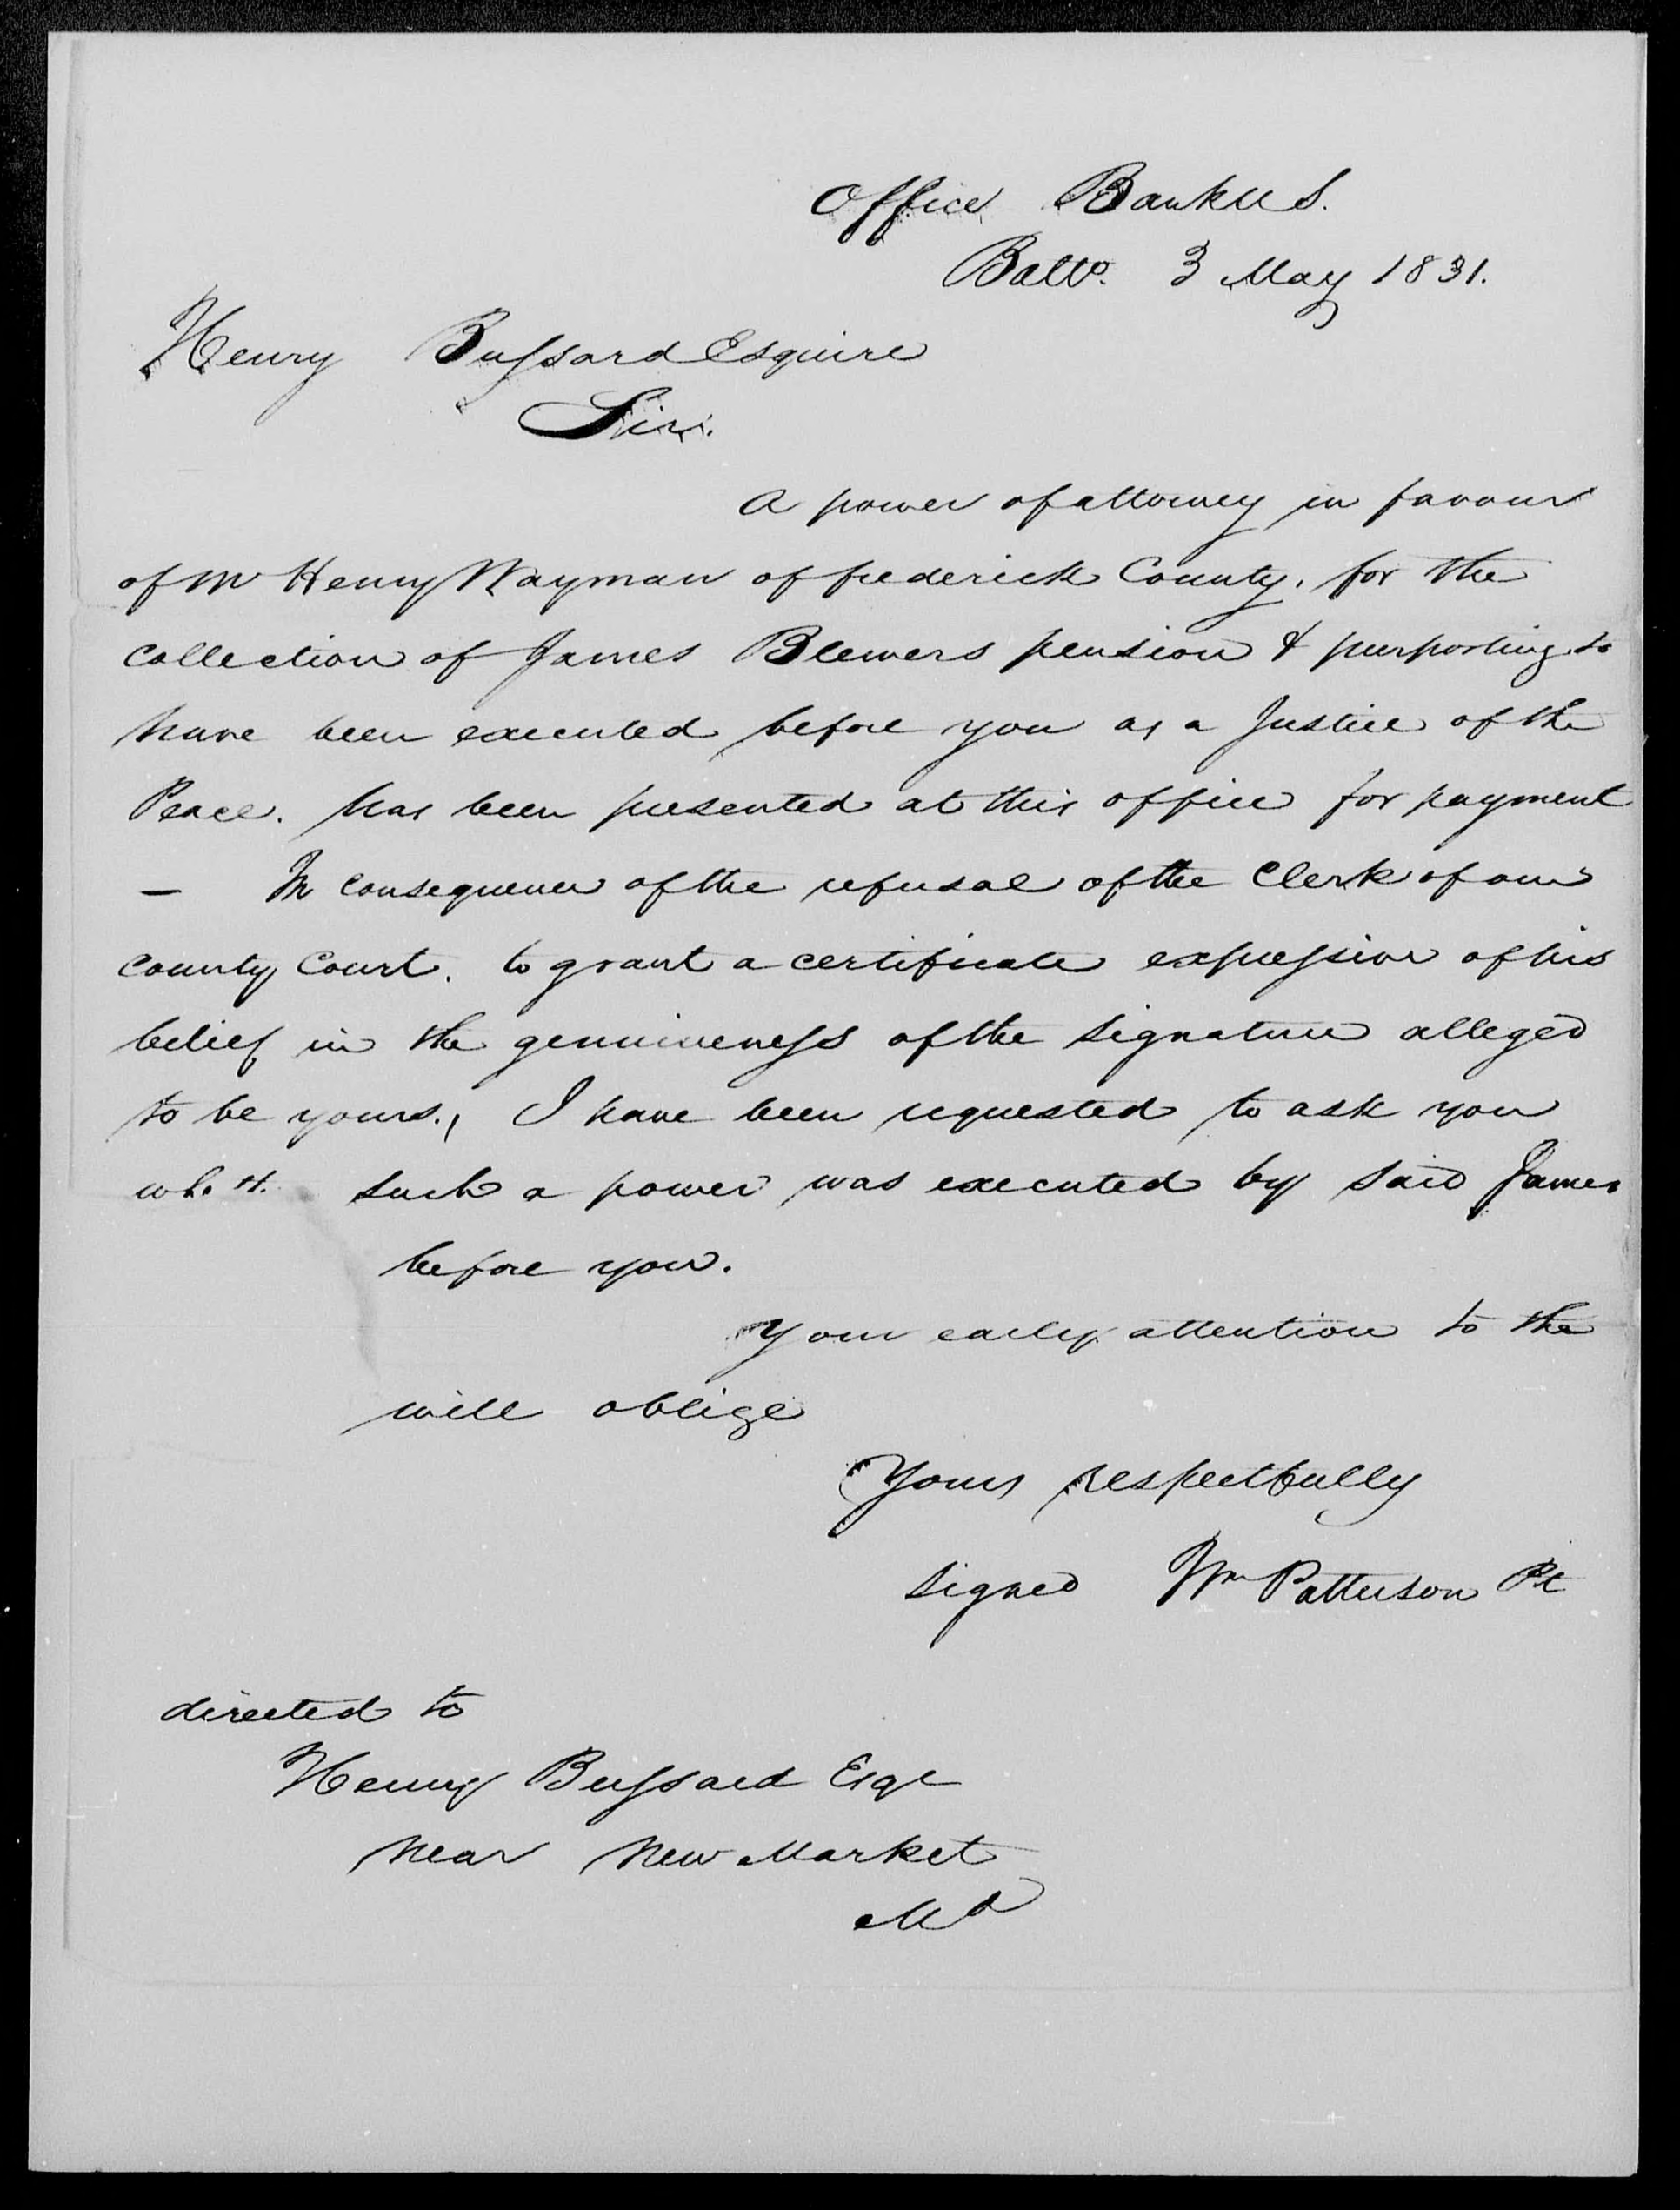Office Bank US
Balto, 3 May 1831

Henry Bussard Esquire

Sir

A power of attorney in favor of Mr. Henry Wayman of Frederick County for the collection of James Blewer's pension & purporting to have been executed before you as a Justice of the Peace has been presented at this office for payment - in consequence of the refusal of the clerk of our county court to grant a certificate expressive of his belief in the genuineness of the signature alleged to be yours. I have been requested to ask you whether such a power was executed by said James Blewer before you.

Your early attention to this will oblige.

Yours respectfully

Signed - Wm Patterson - 

Directed to
Henry Bussard Esq
Near New Market, MD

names: Wm Patterson, Henry Bussard, James Blewer, Henry Bussard, Henry Wayman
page: 16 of 30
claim: survivor's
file: S. 10093, James Blewer, Md.